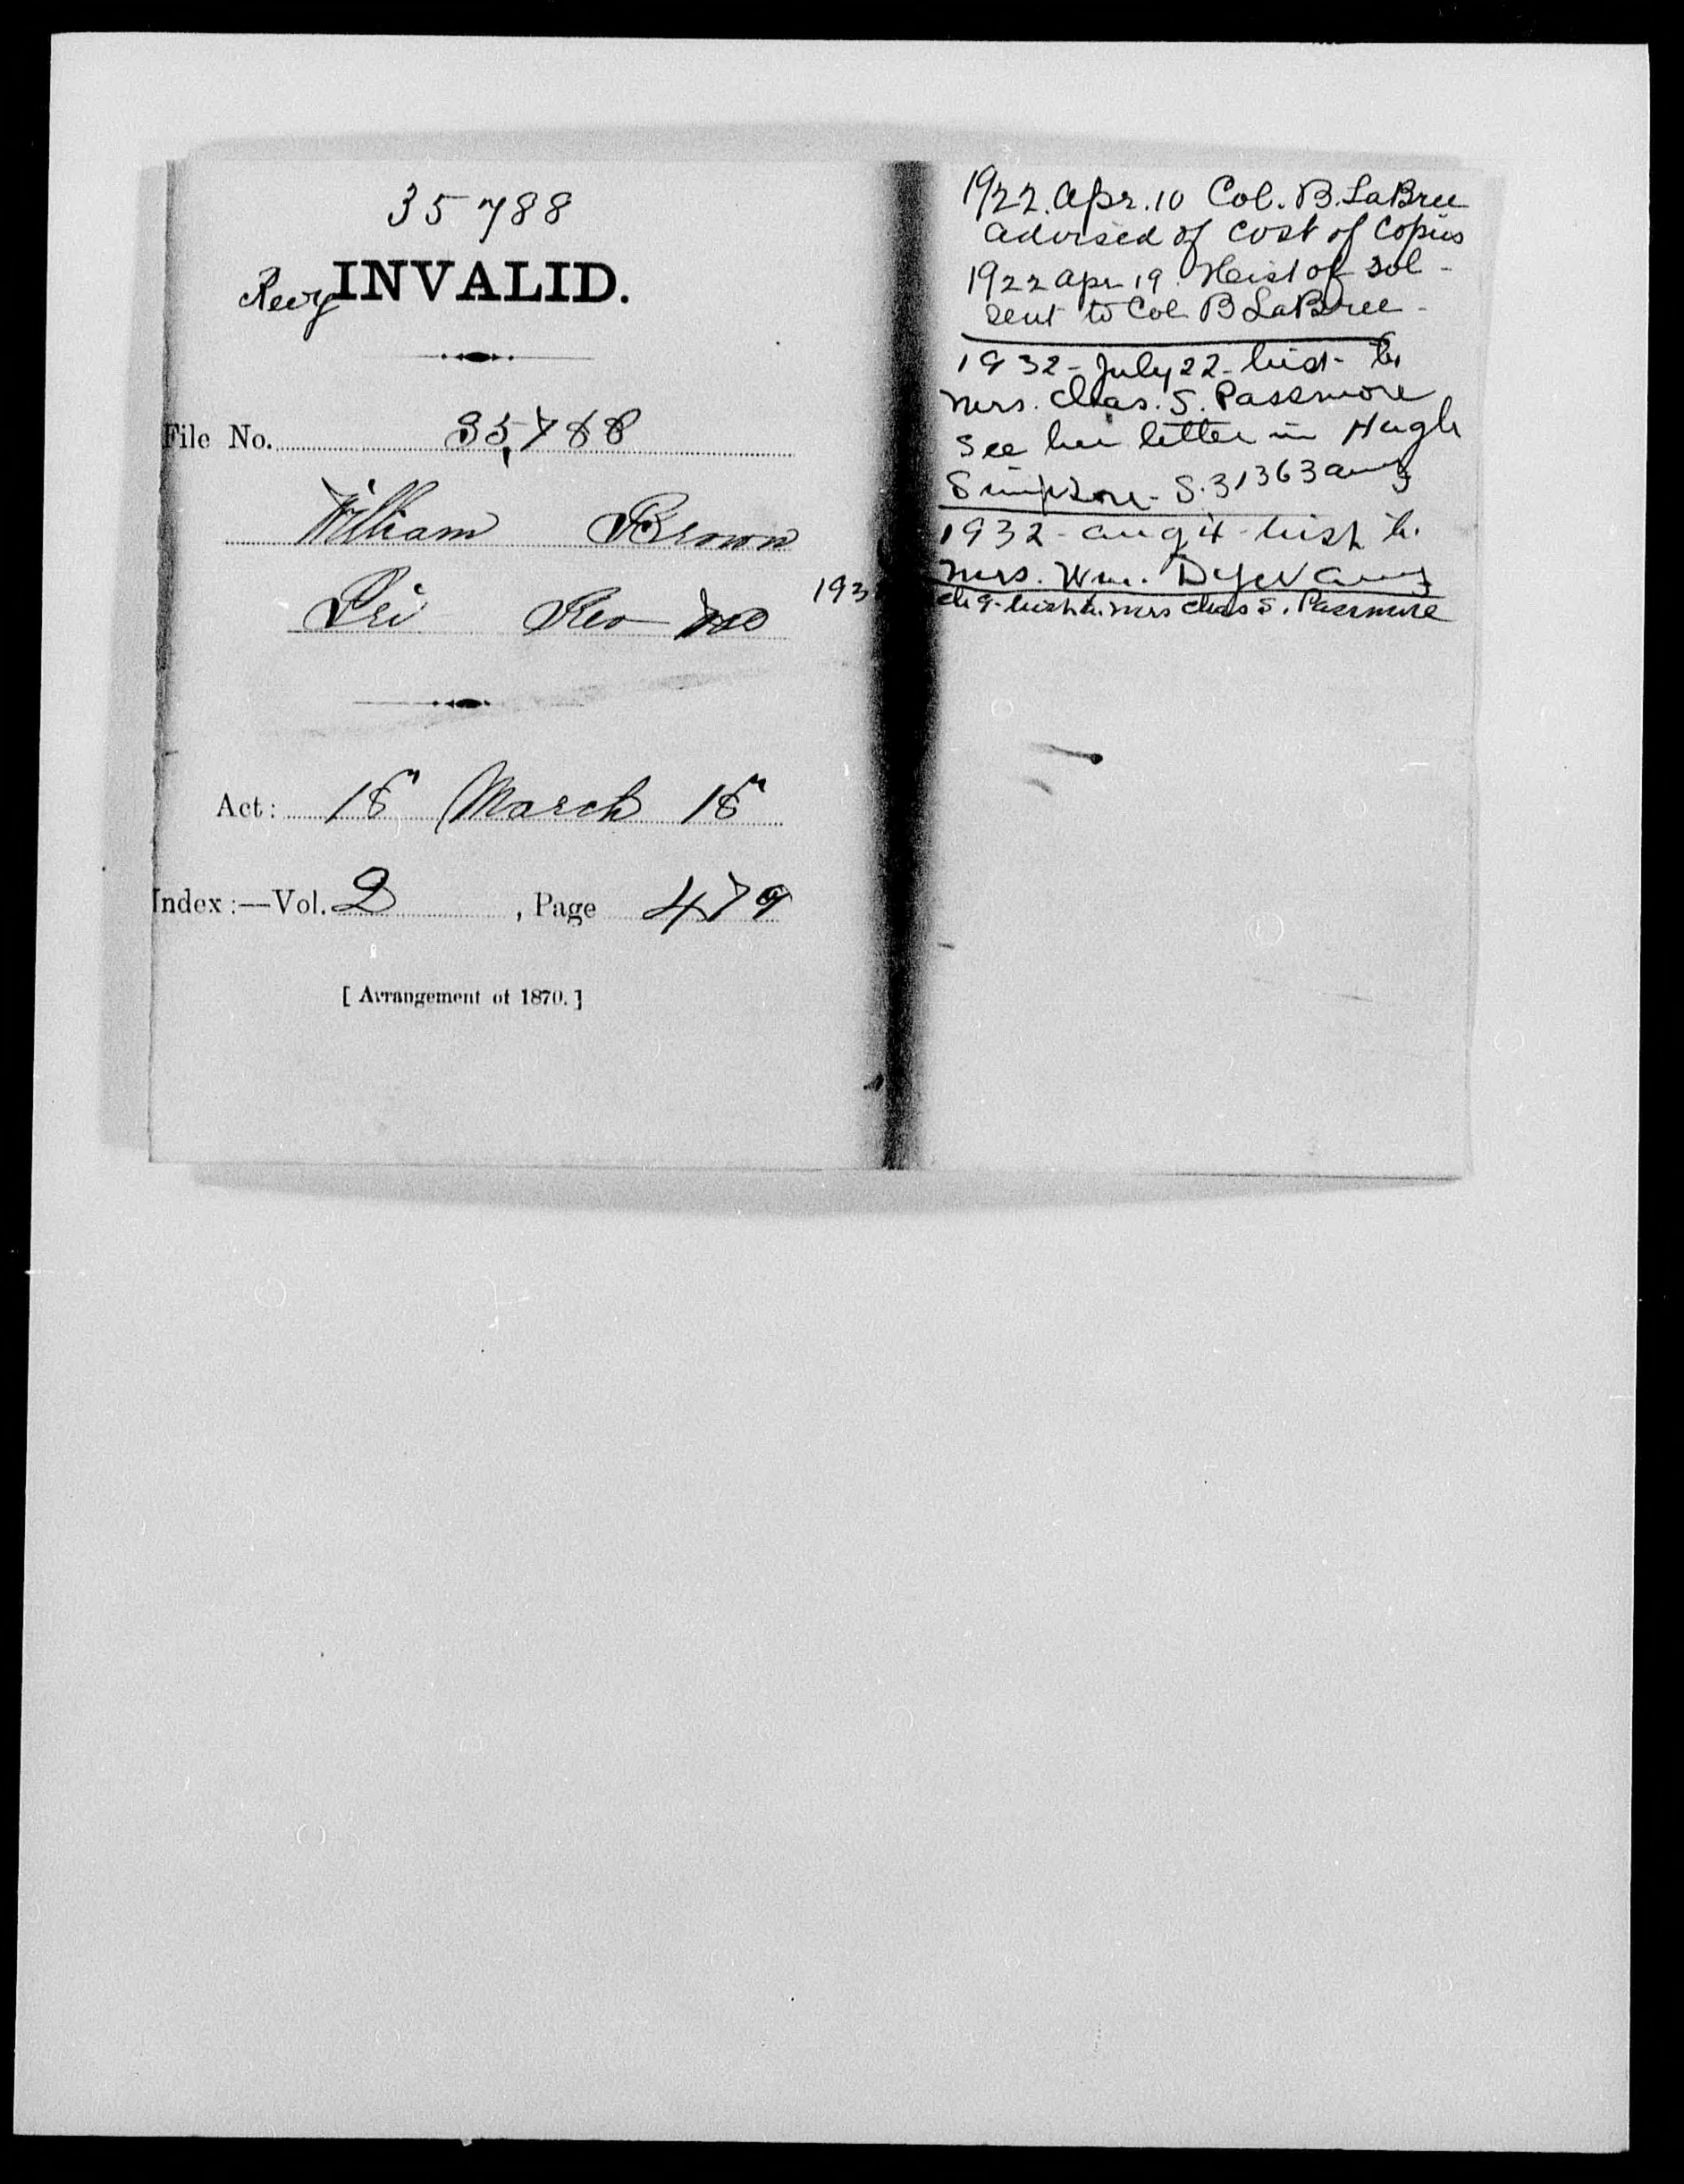35788
Revy [Revolutionary]

INVALID
File No. 35788

William
Brown
Pri [Private] Rev War 

Act: 18th March 18
Index: - Vol. 2, Page 479

[Arrangement of 1870.]

1922 Apr. 10 Col. B. LaBree
advised of cost of copies
1922 Apr 19 Hist [history] of sol [soldier] sent
to Col B LaBree

1932 - July 22. Hist. to 
Mrs. Chas. S. Passmore
See her letter in Hugh
Simpson S 31363 [initials illegible]

1932 - Aug 4 hist. to
Mrs. Wm. Dyer [initials illegible]

193[illegible] Hist to Mrs Chas S. Passmore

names: B La Bree, William Brown, Chas S Passmore, Wm Dyer, B La Bree, Chas S Passmore, Hugh Simpson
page: 21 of 21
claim: survivor's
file: S. 35,788, William Brown, Va.